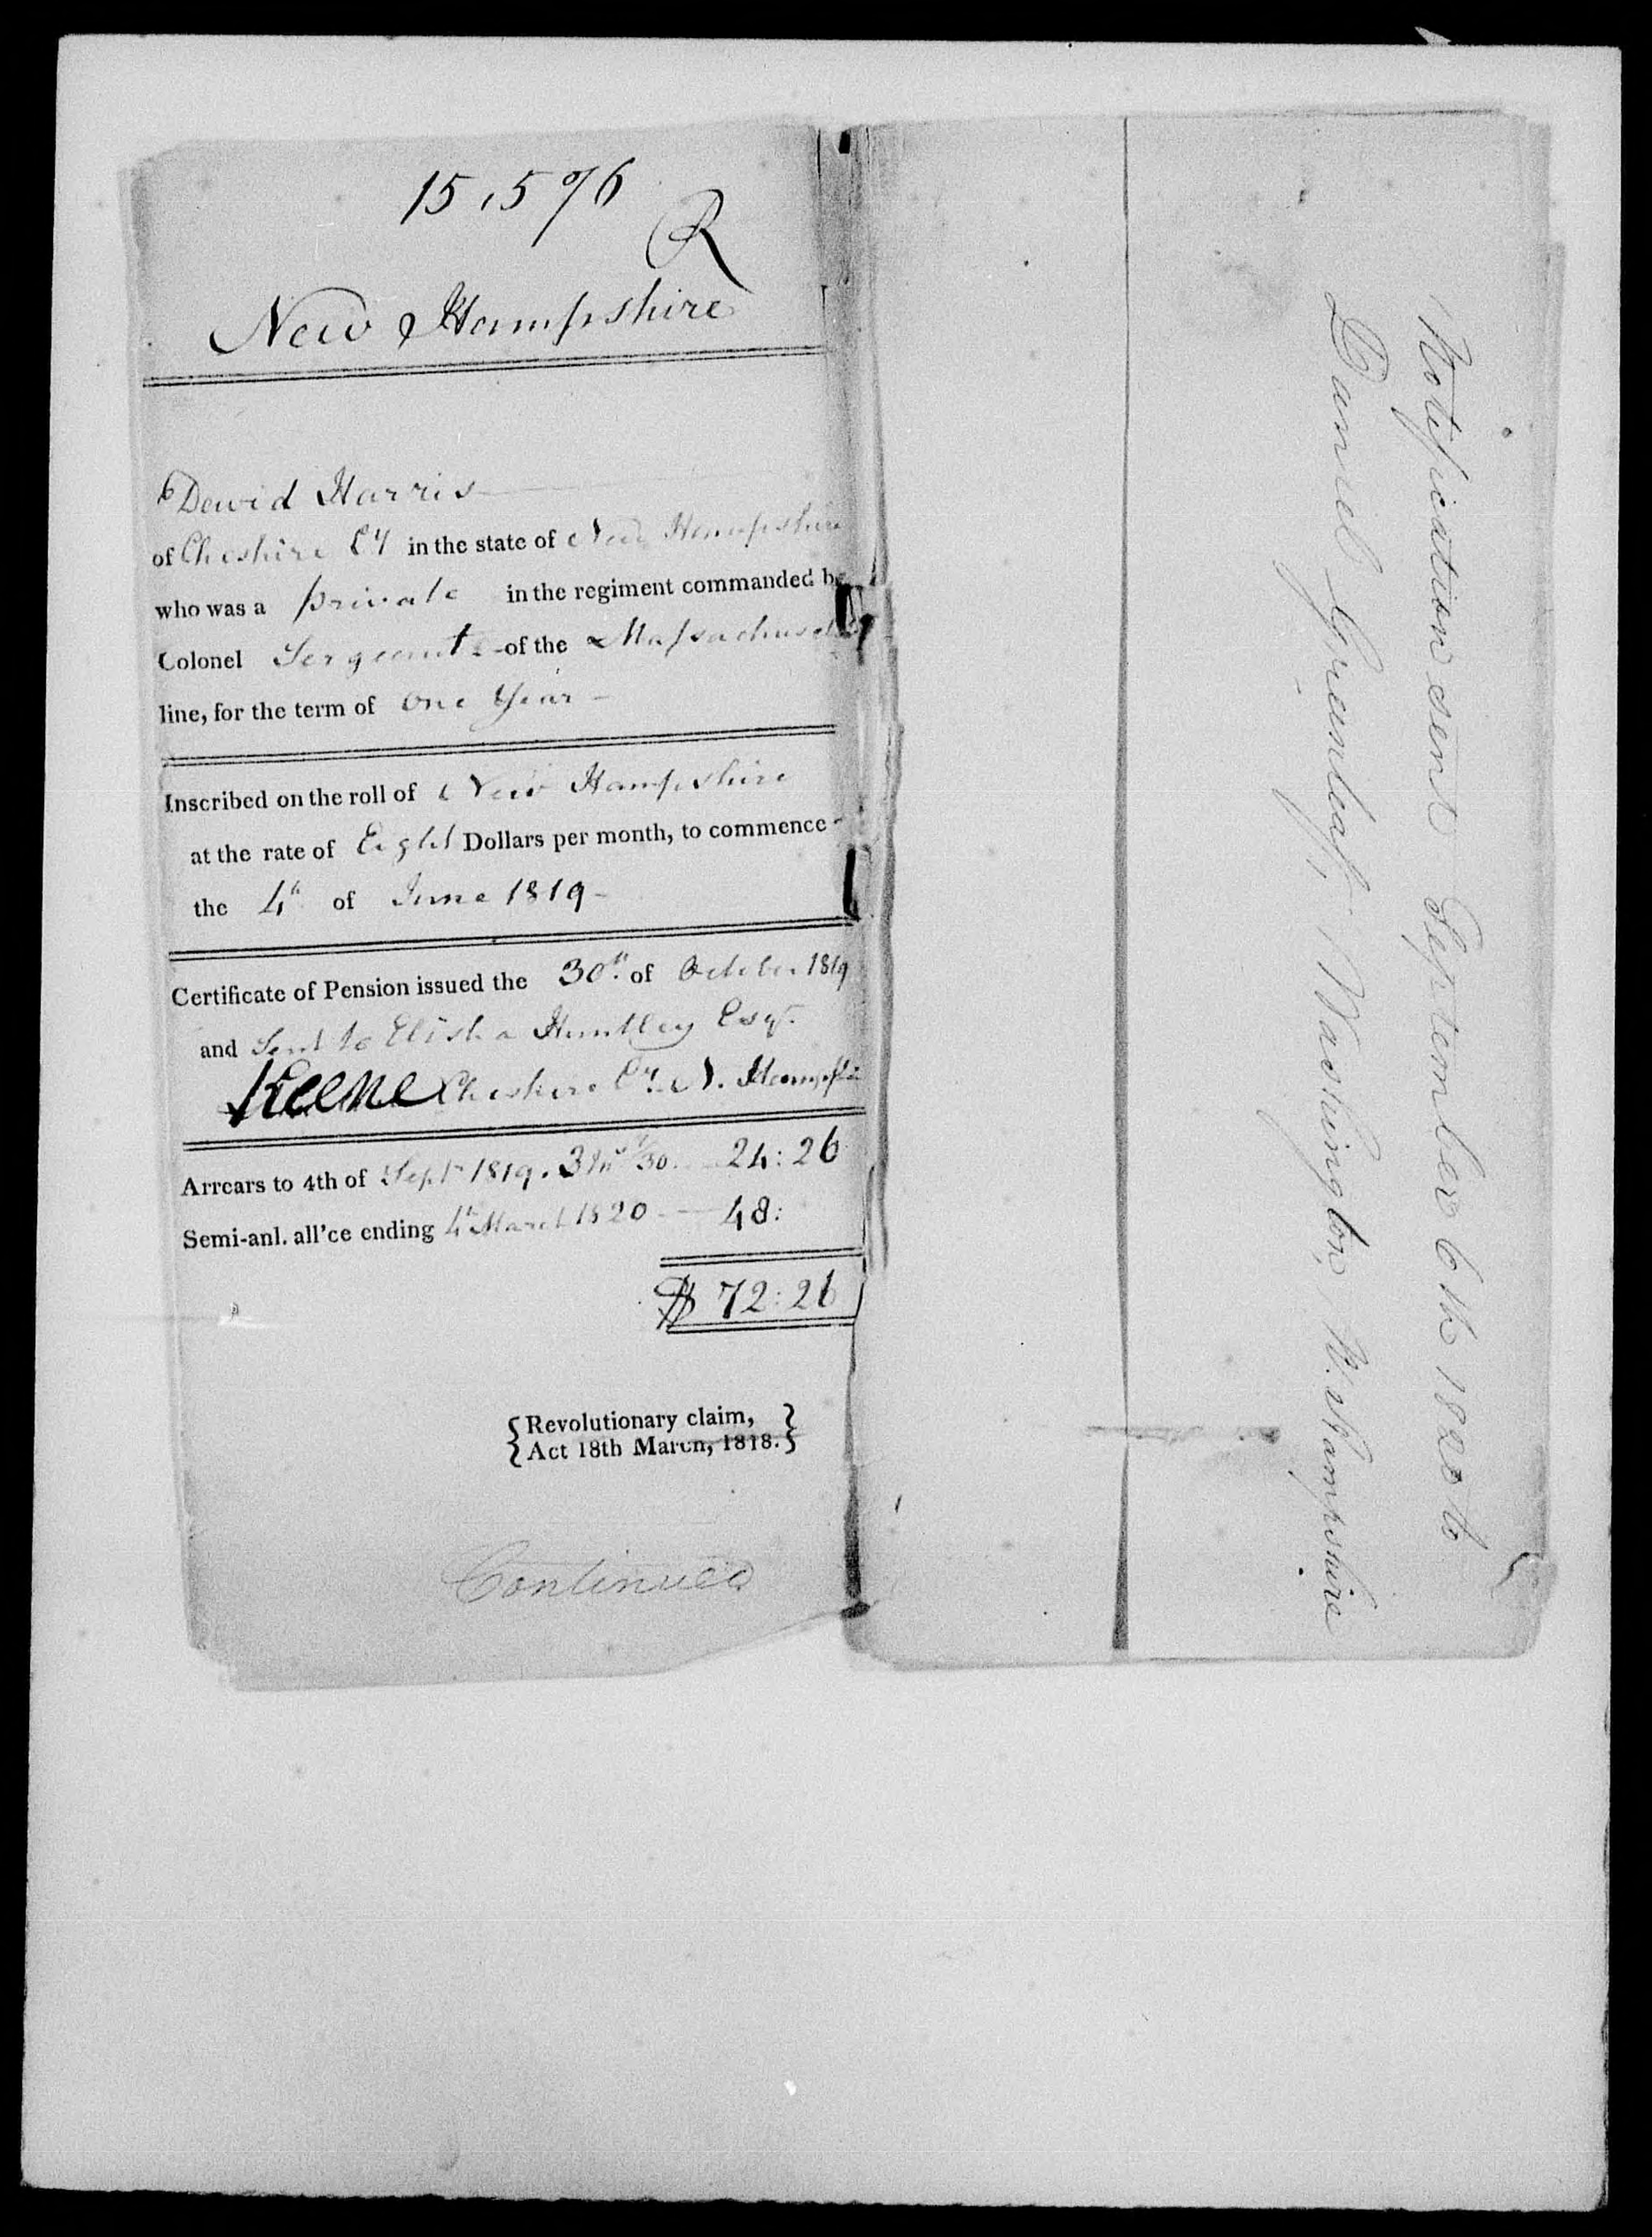15.570
R
New Hampshire

David Harris of Cheshire in the state of New Hampshire who was a private in the regiment commanded b Colonel Sergeant of the Massachusetts line, for the term of one year.

Inscribed on the roll of New Hampshire at the rate of eight dollars per month, to commence the 4th of June 1819.

Certificate of Pension issued the 30th of October, 1819 and Elisha Huntley, Esq. Keene Cheshire county, N. Hampshire

Arrears to the 4th of Sept 1819 [31]        24:26
Semi- anl. all'ce ending 4th March 1820 48:
                                                                $72:26
{Revolutionary claim, Act 18th March, 1818}

continued

Notification sent September 6th 1820 to Daniel Greenleaf, Washington, New Hampshire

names: David Harris, Sergeant, Elisha Huntley, Daniel Greenleaf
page: 3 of 11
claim: survivor's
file: S. 44393, David Harris, Mass.